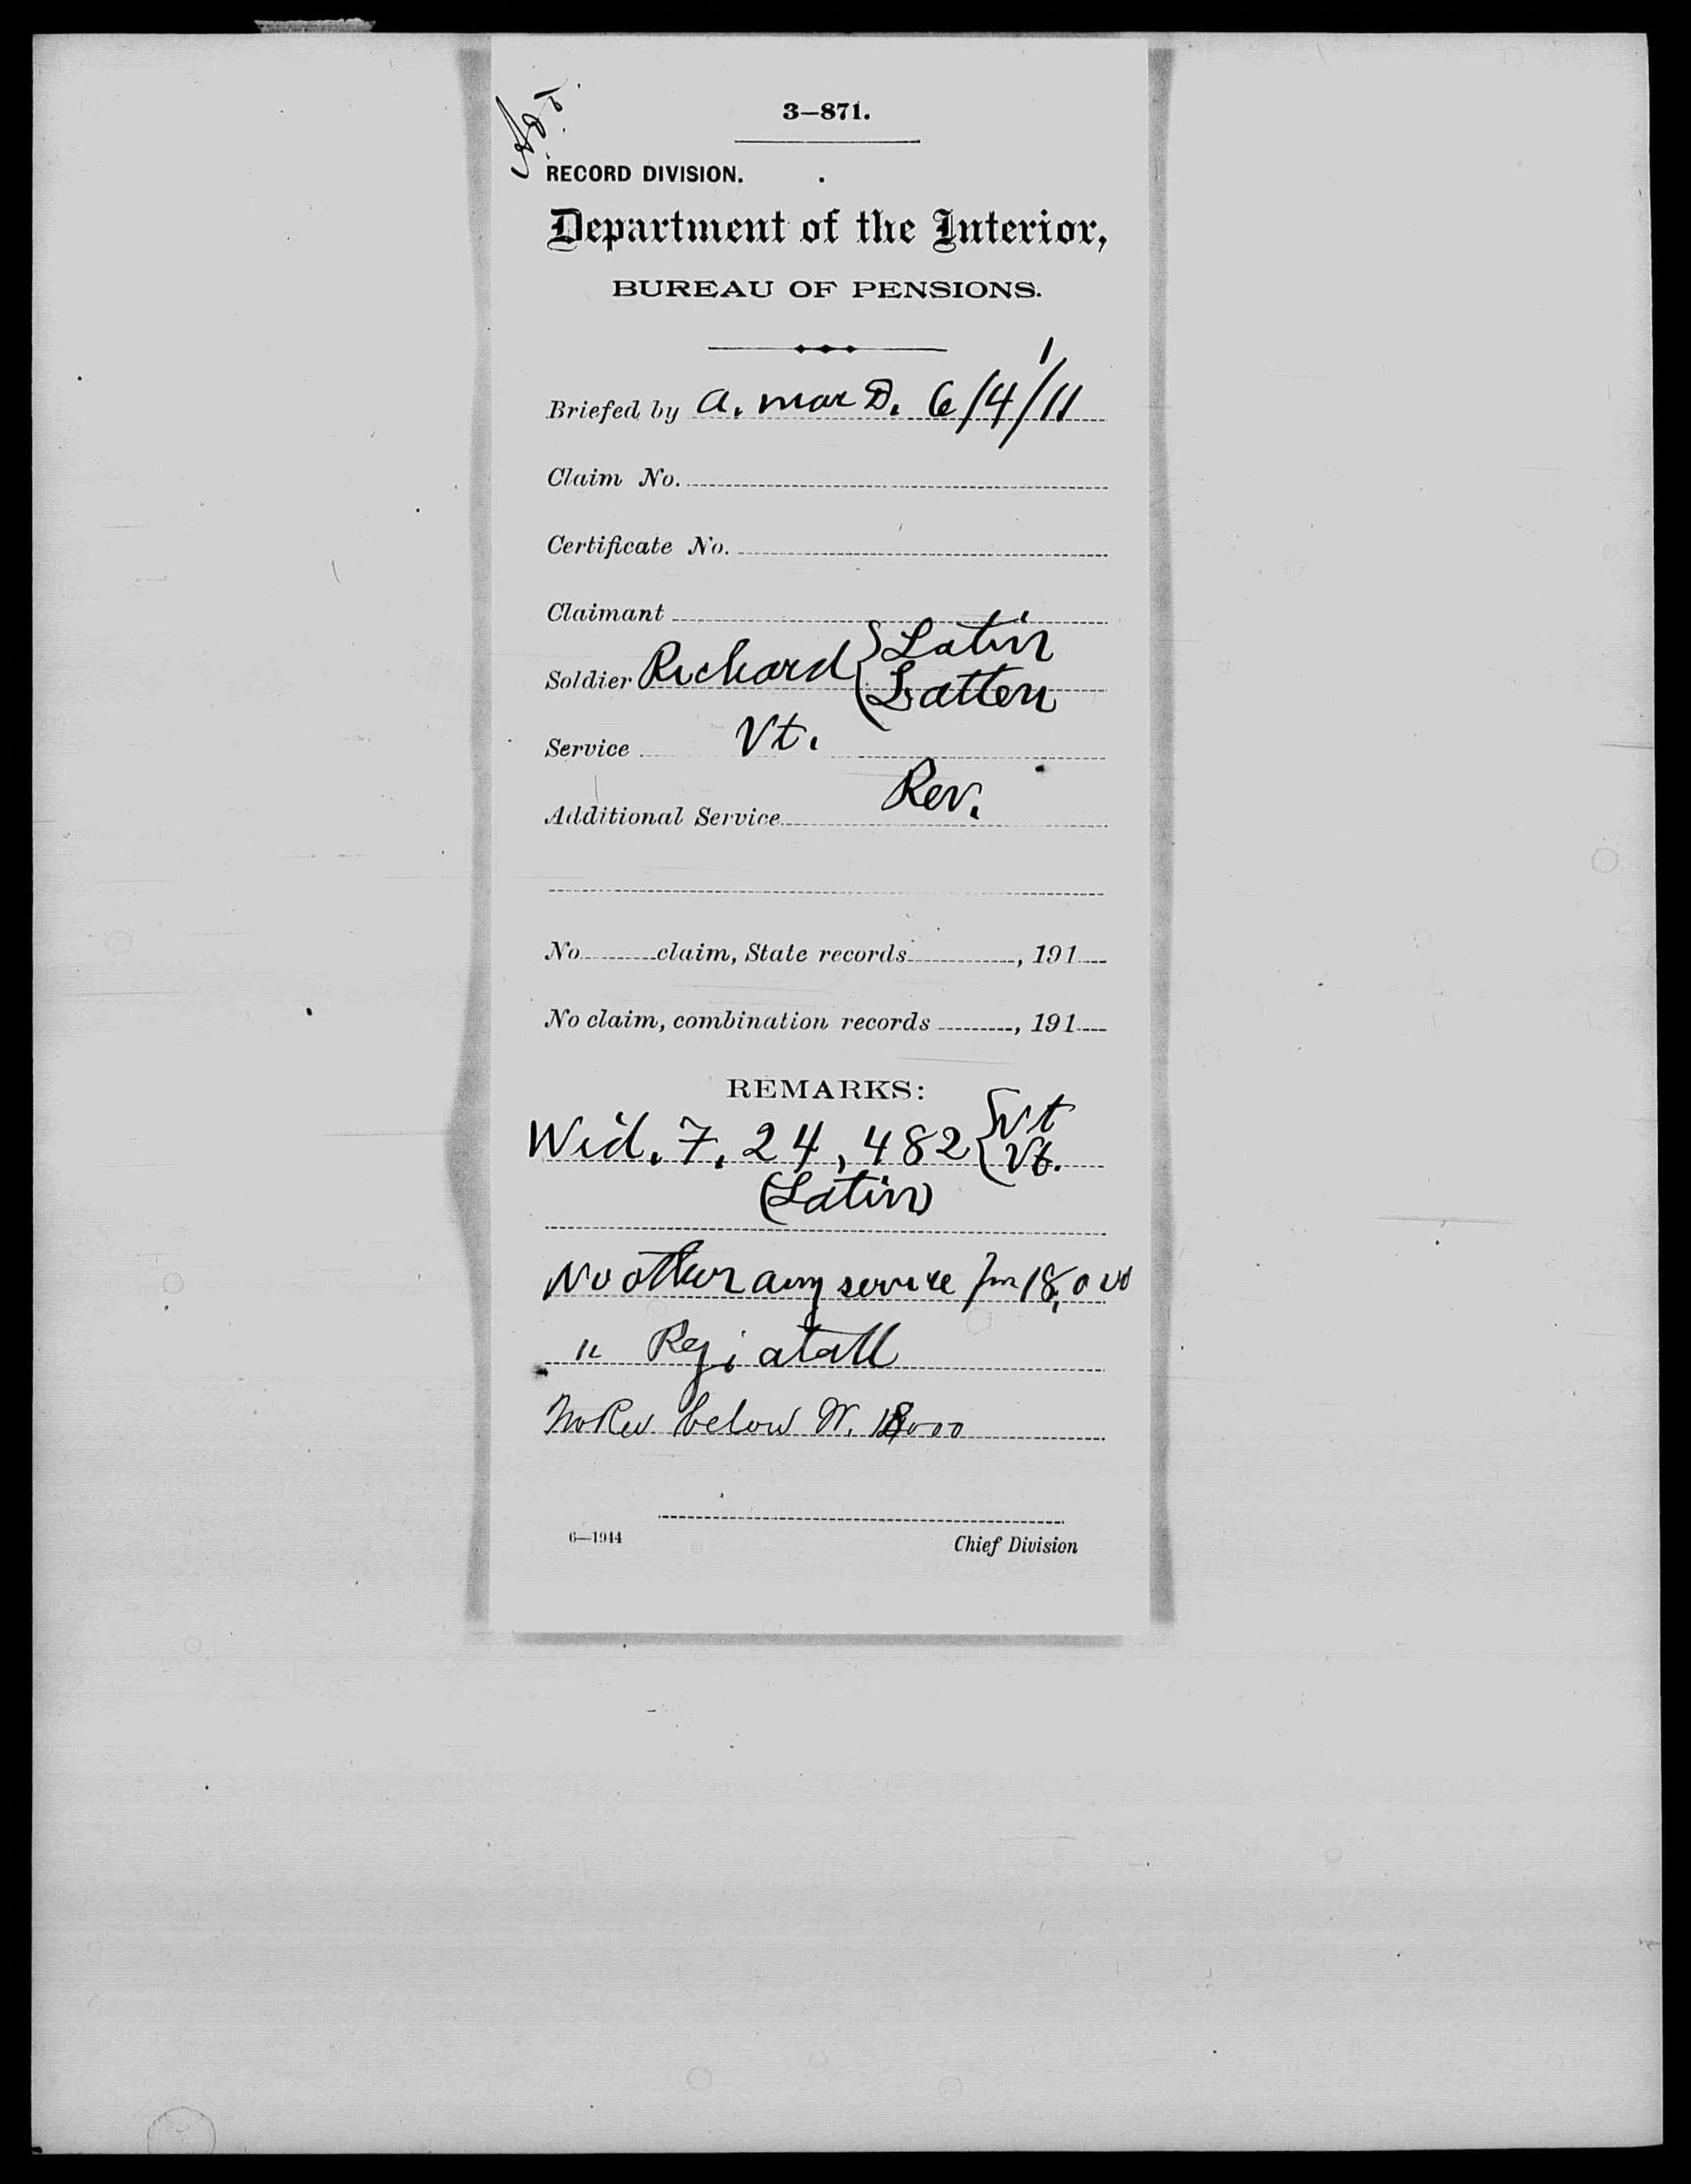ADT
3 - 871.
RECORD DIVISION.

Department of the Interior,
BUREAU OF PENSIONS.

Briefed by A Mar. D 6/4 /11
Claim No. 
Certificate No.
Claimant
Soldier Richard Lattin Latten
Service Vt
Additional Service Rev.
No. __ claim, State records. __191.
No claim, combination records __191.

REMARKS:
Wid, F. 24.482 Vt Vt
(Latin
no other any service fm 1800
No Regi at all
No Rev below W. 1800
Chief Division
6 - 1944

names: Richard Latten; Richard Latin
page: 61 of 99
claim: widow's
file: W. 24,482, for Richard Lattin, Vermont